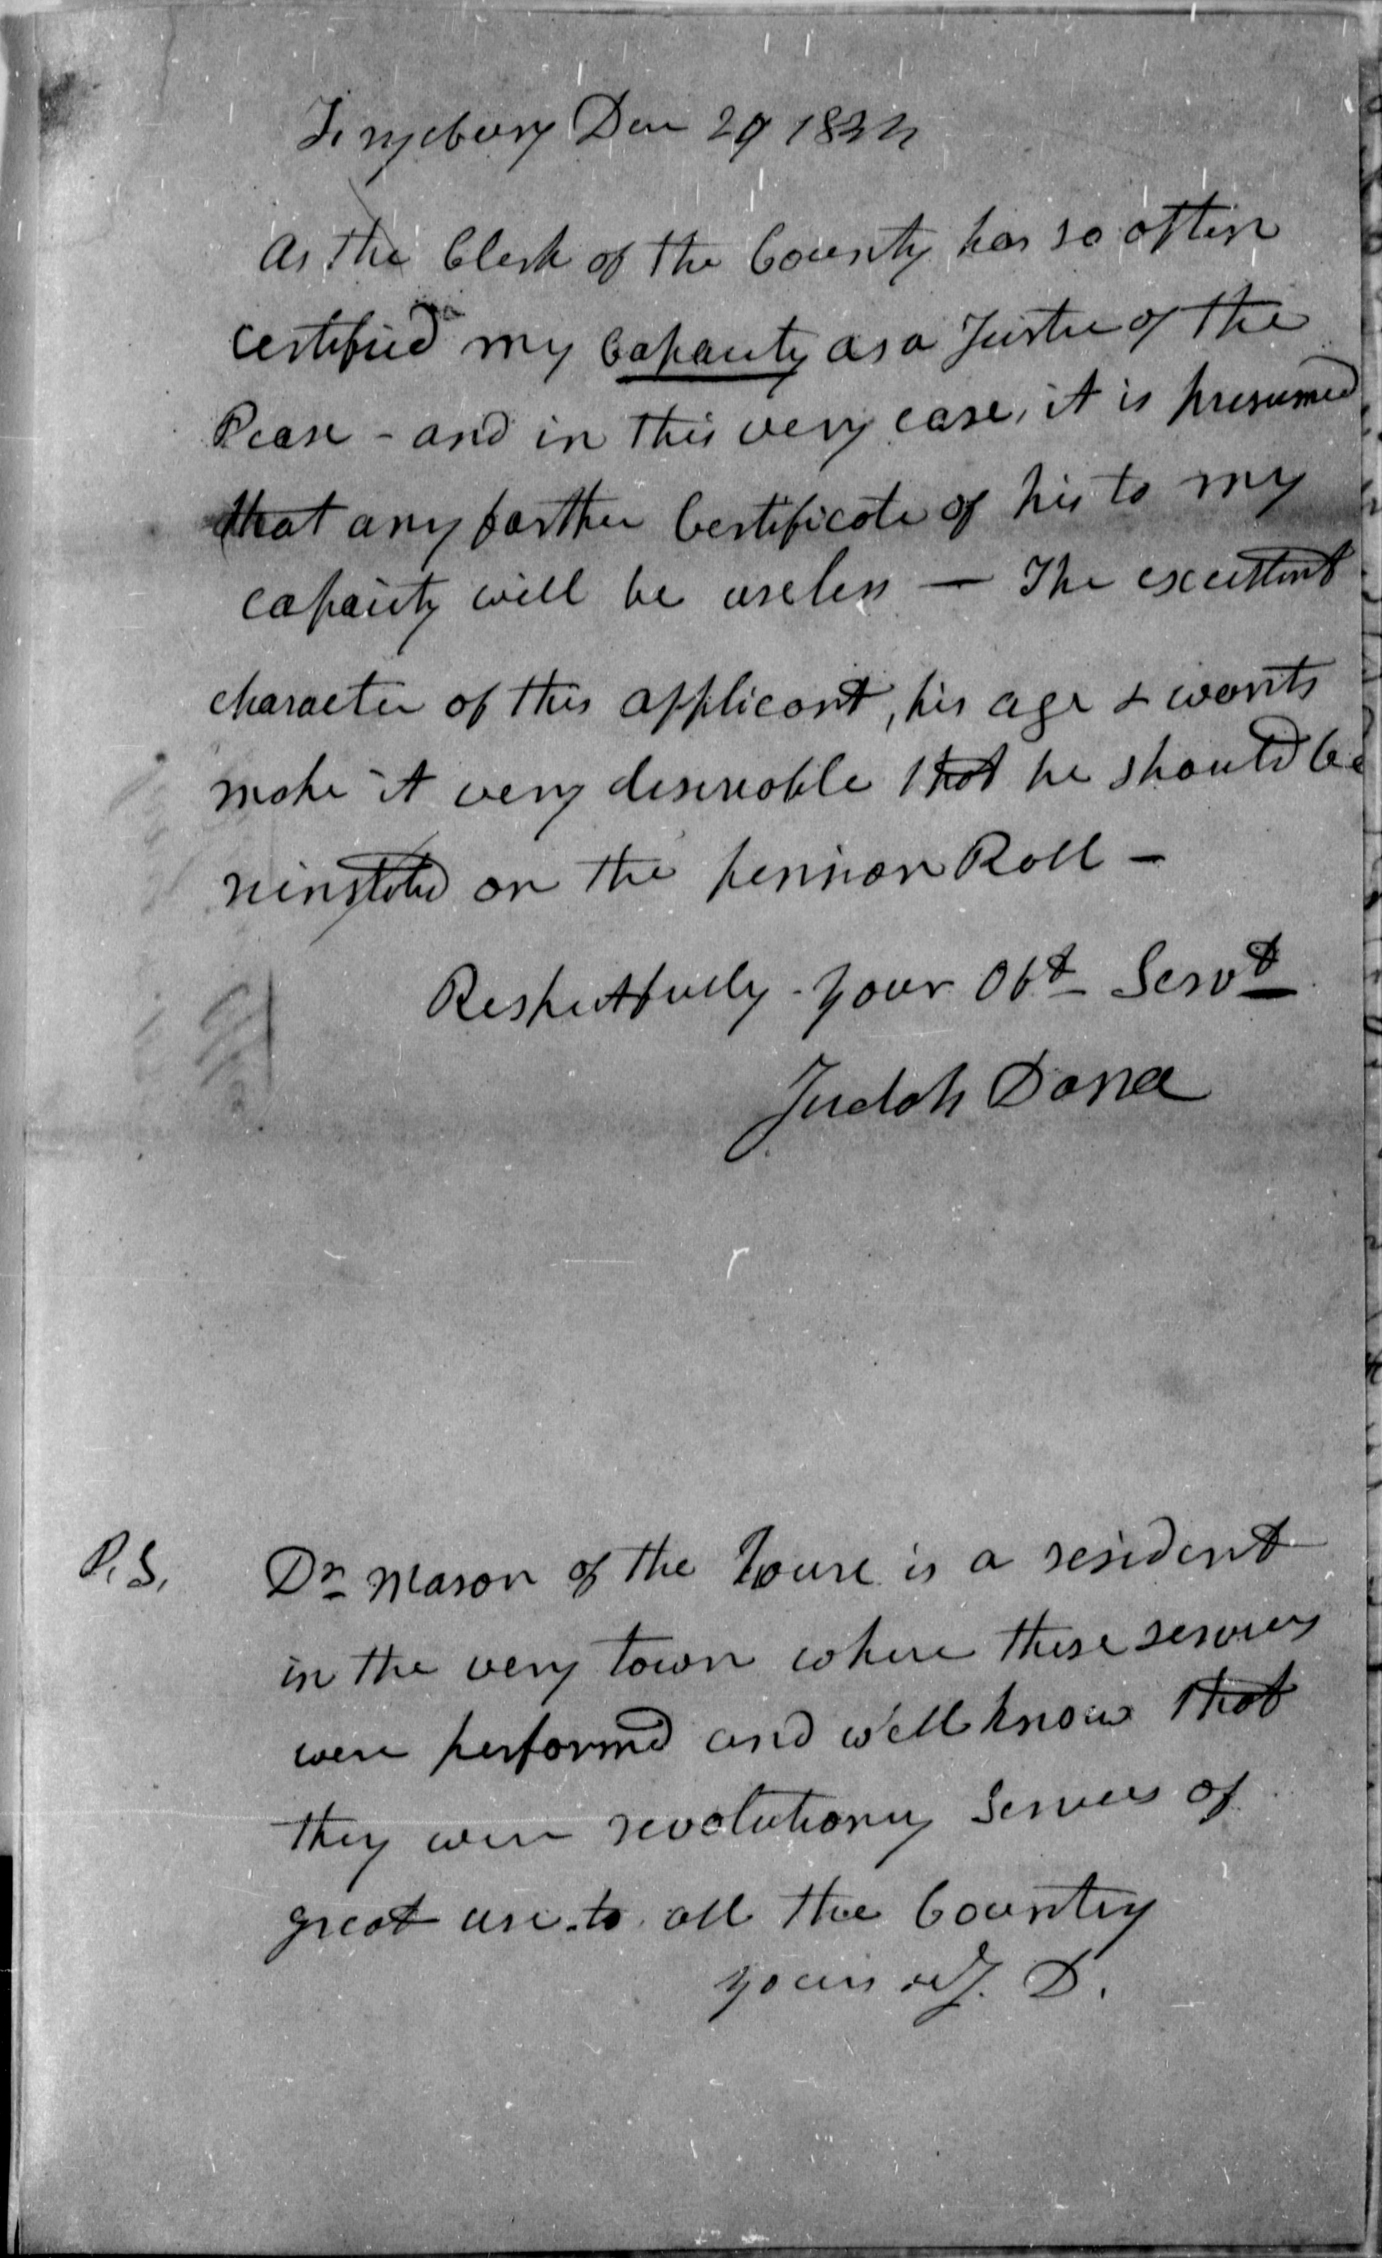Fryeburg, Dec. 29, 1834

As the Clerk of the County has so often certified my capacity as a Justice of the Peace - and in this very case, it is presumed that any farther Certification of his to my capacity will be useless - The excellent character of this applicant, his age + wants make it very [illegible] that he be reinstated on the Pension Roll -

Respectfully your obedient servant
[SIGNED: Judah Dana]



P.S. Dr. Mason of the Town is a resident in the very town where these services were performed and well know that they were Revolutionary Services of great unto all the Country.
yours J.D.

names: Judah Dona, Mason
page: 43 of 86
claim: survivor's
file: S 29,568, Isaac Abbot, Mass